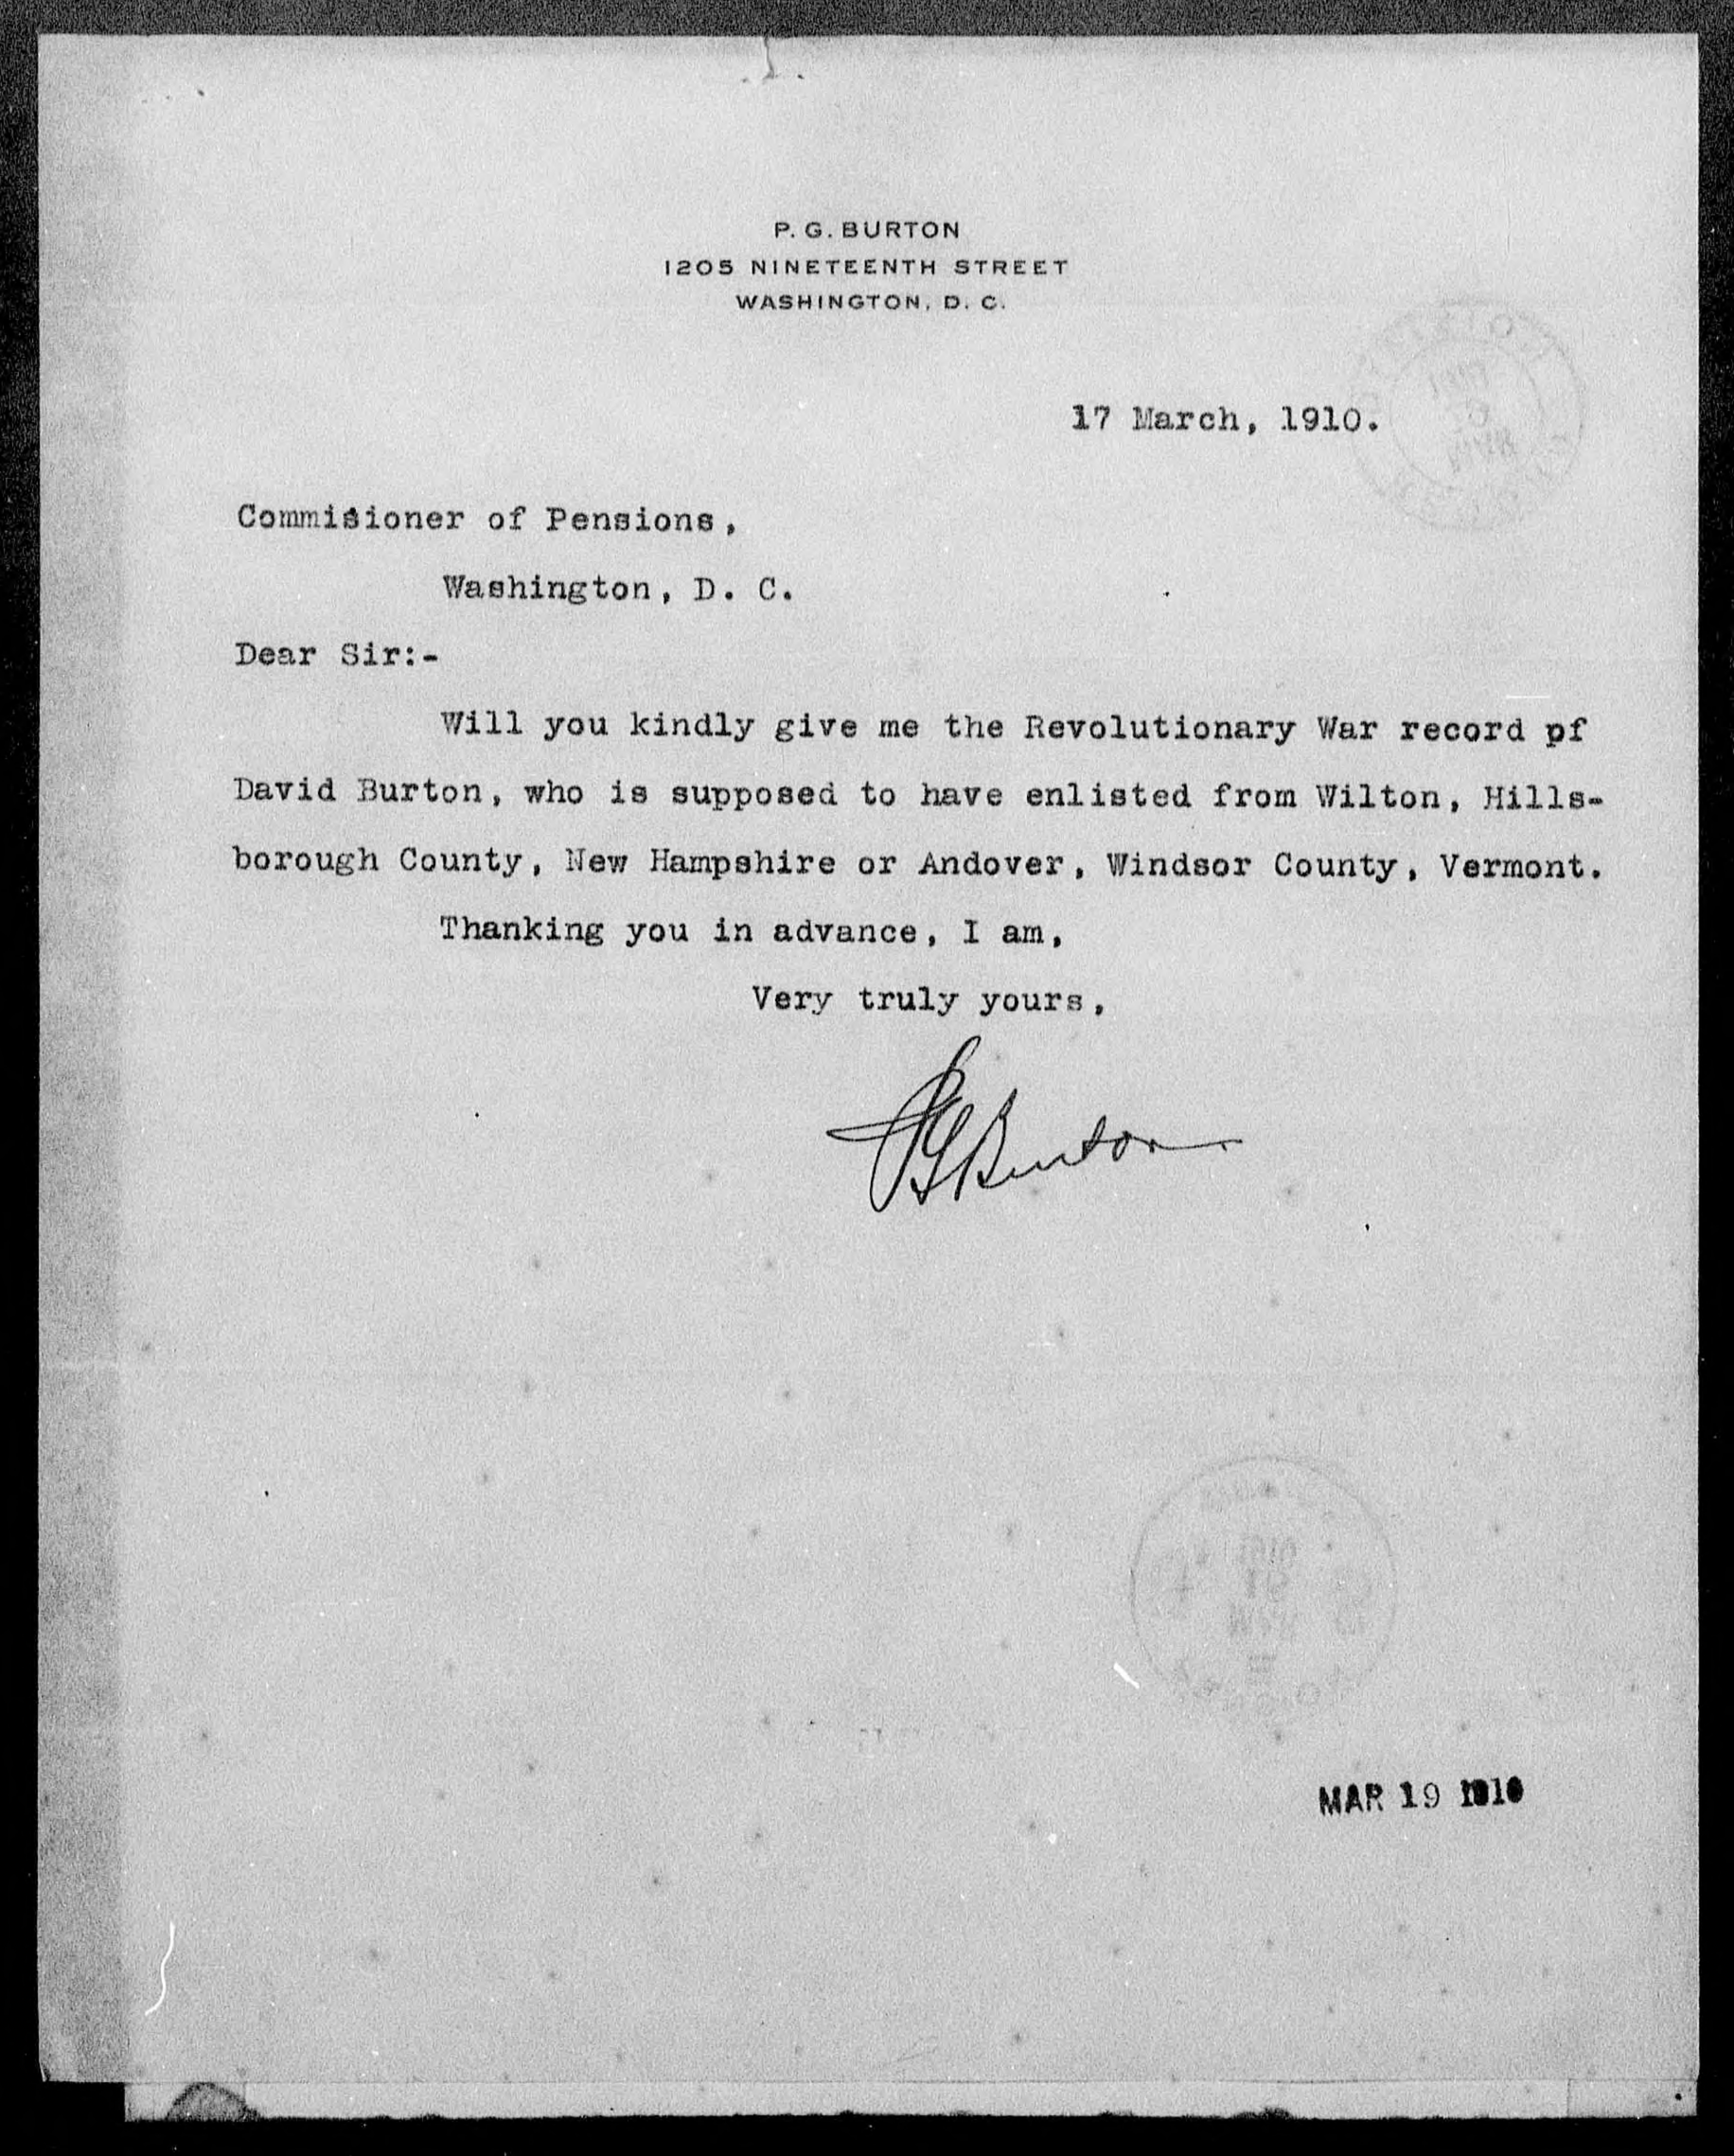P. G. BURTON
1205 NINETEENTH STREET
WASHINGTON, D. C.
17 March, 1910.
Commissioner of Pensions,
Washington, D. C.
Dear Sir:-
Will you kindly give me the Revolutionary War record of David Burton, who is supposed to have enlisted from Wilton, Hillsborough County, New Hampshire or Andover, Windsor County, Vermont.
Thanking you in advance, I am,
Very truly yours,
[signed] P. G. Burton


MAR 19 1910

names: David Burton, P G Burton, P G Burton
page: 18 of 18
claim: survivor's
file: S. 40773, David Burton, N.H.